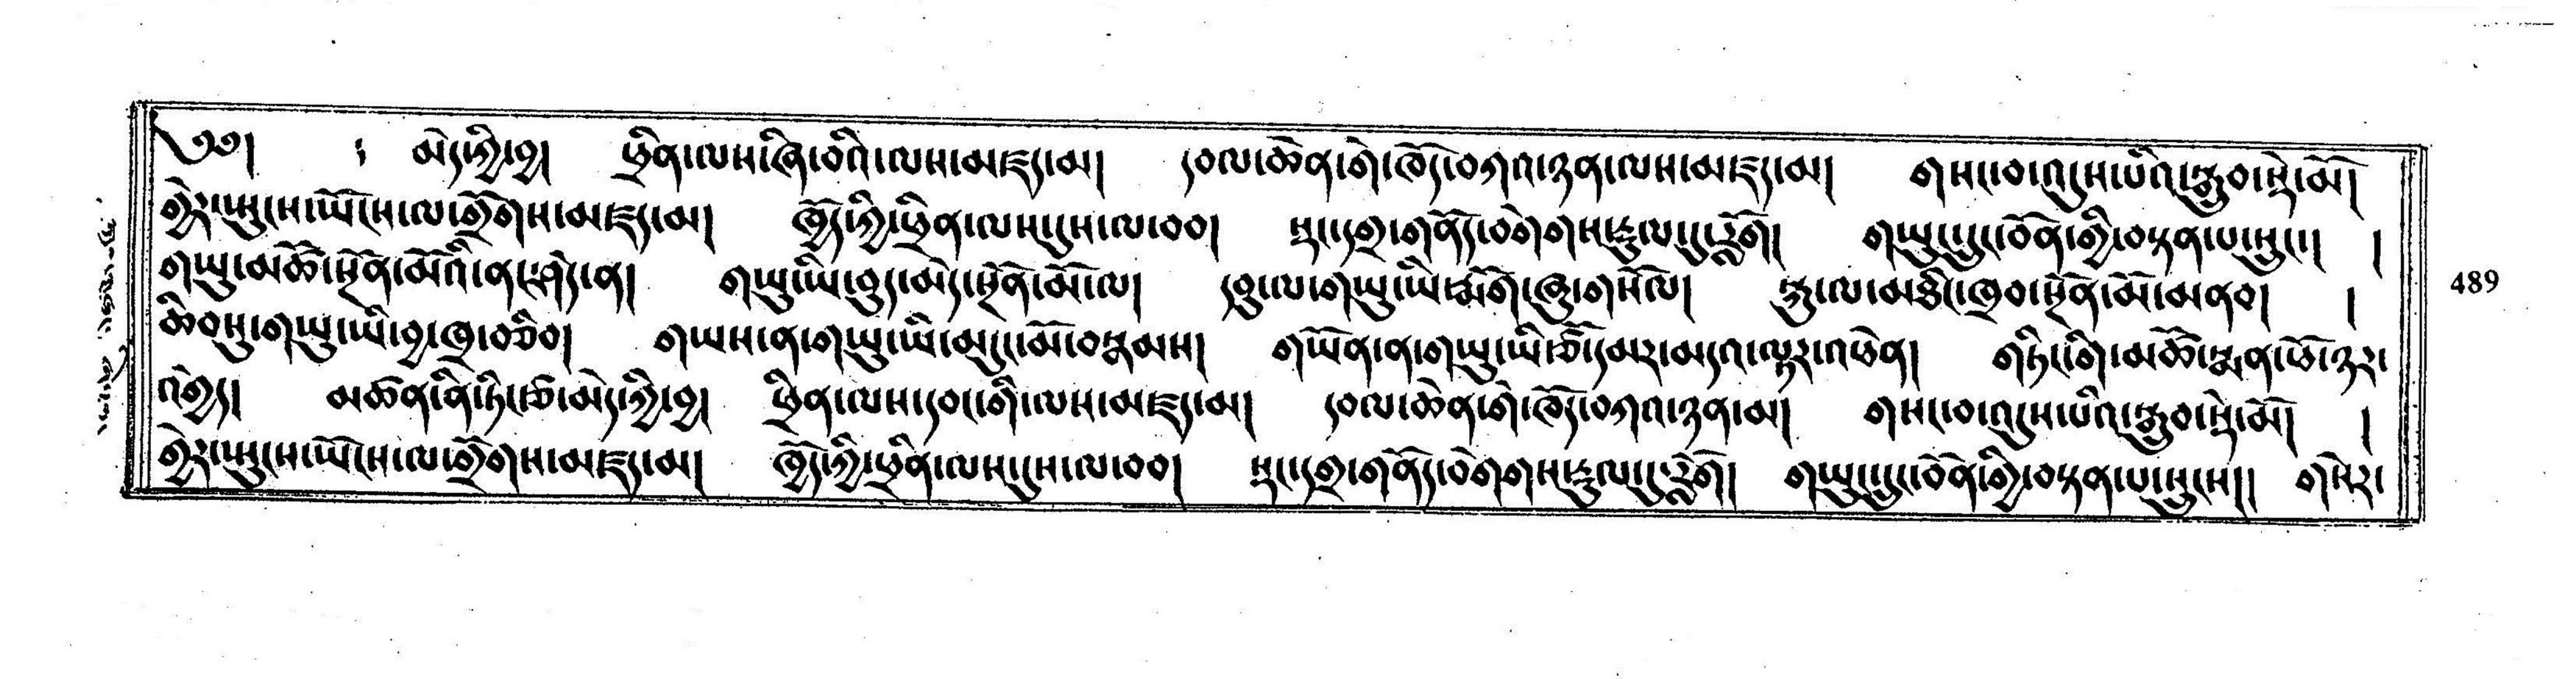མེད་ཀྱི་བྱ། ཕྲིན་ལས་ཞི་བའི་ལས་མཛད་མ། དབལ་ཆེན་གེ་ཁོད་བཀའ་ཉན་ལས་མཛད་མ། གསང་བ་འདུས་པའི་སྒྲུབ་སྡེ་མོ། 
གྱེར་སྤུངས་ཡོངས་ལ་གྲོགས་མཛད་མ། ཁྱོད་ཀྱི་ཕྲིན་ལས་དུས་ལ་བབ། སྡང་དགྲ་གནོད་བགེགས་རྡུལ་དུ་རློག གཡུང་དྲུང་བོན་གྱི་བསྟན་པ་སྲུང་། 
གཡུ་མཚོ་སྔོན་མོའི་ནང་ཤེད་ན། གཡུ་ཡི་བུད་མེད་སྔོན་མོ་ལ། དབུ་ལ་གཡུ་ཡི་རྨོག་ཞུ་གསོལ། སྐུ་ལ་མཐིང་ཁྲབ་སྔོན་མོ་མནབ། 
ཆིབས་སུ་གཡུ་ཡི་བྱ་ཁྲ་བཅིབ། གཡས་ན་གཡུ་ཡི་མདུང་མོ་བསྣམས། གཡོན་ན་གཡུ་ཡི་ཙོ་དམར་མདའ་ལྟར་འཕེན། གཏིང་གི་མཚོ་སྨན་ཕོ་ཉར་
འགྱེད། མཚན་ནི་ཏིང་ཙ་མེད་ཀྱི་བྱ། ཕྲིན་ལས་དབང་གི་ལས་{503}མཛད་མ། དབལ་ཆེན་གེ་ཁོད་བཀའ་ཉན་མ། གསང་བ་འདུས་པའི་སྒྲུབ་སྡེ་མོ། 
གྱེར་སྤུངས་ཡོངས་ཀྱི་གྲོགས་མཛད་མ། ཁྱོད་ཀྱི་ཕྲིན་ལས་དུས་ལ་བབ། སྡང་དགྲ་གནོད་བགེགས་རྡུལ་དུ་རློག གཡུང་དྲུང་བོན་གྱི་བསྟན་པ་སྲུངས།། གསེར་